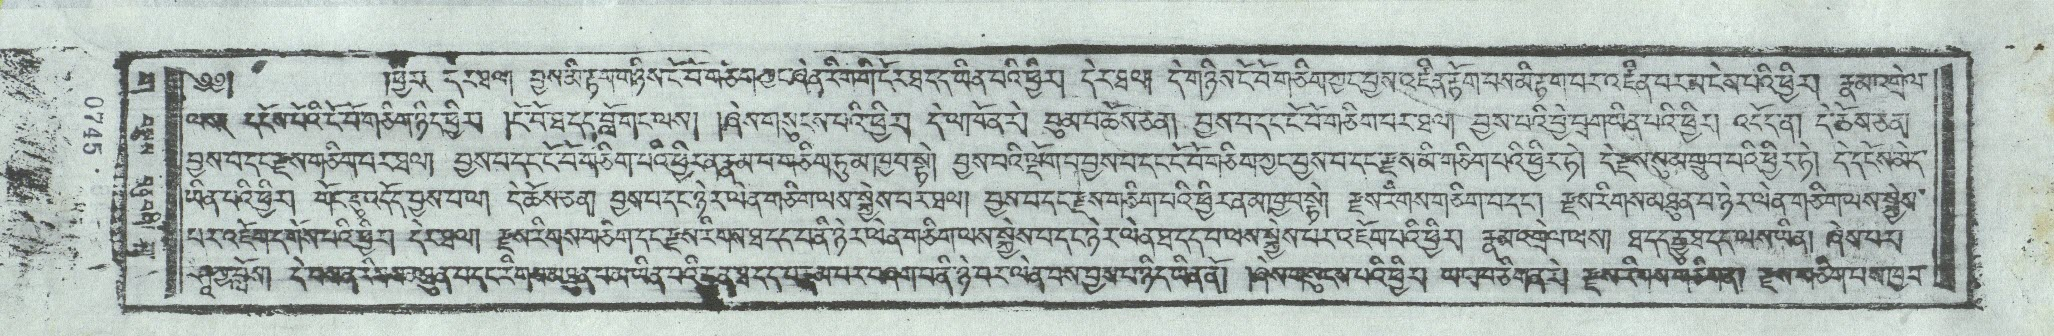༄༅། །ཕྱིར༑ དེར་ཐལ། བྱས་མི་རྟག་གཉིས་ངོ་བོ་གཅིག་ཀྱང་ཞེན་རིག་གི་ངོར་ཐ་དད་ཡིན་པའི་ཕྱིར། དེར་ཐལ། དེ་གཉིས་ངོ་བོ་གཅིག་ཀྱང་བྱས་འཛིན་རྟོག་བས་མི་རྟག་པར་འཛིན་པར་མ་ངེས་པའི་ཕྱིར། རྣམ་འགྲེལ་
ལས༑ དངོས་པོའི་ངོ་བོ་གཅིག་ཉིད་ཕྱིར། །ངོ་བོ་ཐ་དད་བློ་གང་ལས། །ཞེས་གསུངས་པའི་ཕྱིར། དེ་ལ་ཁོ་ན་རེ། བུམ་པ་ཆོས་ཅན། བྱས་པ་དང་ངོ་བོ་གཅིག་པར་ཐལ། བྱས་པའི་བྱེ་བྲག་ཡིན་པའི་ཕྱིར། འདོད་ན། དེ་ཆོས་ཅན།
བྱས་པ་དང་རྫས་གཅིག་པར་ཐལ། བྱས་པ་དང་ངོ་བོ་གཅིག་པའི་ཕྱིར་ན་རྣམ་པ་གཅིག་ཏུ་མ་ཁྱབ་སྟེ། བྱས་པའི་ལྡོག་པ་བྱས་པ་དང་ངོ་བོ་གཅིག་ཀྱང་བྱས་པ་དང་རྫས་མི་གཅིག་པའི་ཕྱིར་ཏེ། དེ་རྫས་སུ་མ་གྲུབ་པའི་ཕྱིར་ཏེ། དེ་དངོས་མེད་
ཡིན་པའི་ཕྱིར། གོང་དུ་འདོད་བྱས་པ་ལ། དེ་ཆོས་ཅན། བྱས་པ་དང་ཉེར་ལེན་གཅིག་ལས་སྐྱེས་པར་ཐལ། བྱས་པ་དང་རྫས་གཅིག་པའི་ཕྱིར་ན་མ་ཁྱབ་སྟེ། རྫས་རིགས་གཅིག་པ་དང་། རྫས་རིགས་མཐུན་པ་ཉེར་ལེན་གཅིག་ལས་སྐྱེས་
པར་འཇོག་དགོས་པའི་ཕྱིར། དེར་ཐལ། རྫས་རིགས་གཅིག་དང་རྫས་རིགས་ཐ་དད་པ་ནི་ཉེར་ལེན་གཅིག་ལས་སྐྱེས་པ་དང་ཉེར་ལེན་ཐ་དད་པ་ལས་སྐྱེས་པར་འཇོག་པའི་ཕྱིར། རྣམ་འགྲེལ་ལས། ཐ་དད་རྒྱུ་ཐ་དད་ལས་ཡིན། ཞེས་པར།
ཤཱཀྱ་བློས། དེ་བས་ན་རིགས་མཐུན་པ་དང་རིགས་མཐུན་པ་མ་ཡིན་པའི་རྒྱུན་ཐ་དད་པ་རྣམ་པར་བཞག་པ་ནི་ཉེ་བར་ལེན་བས་བྱས་པ་ཉིད་ཡིན་ནོ། །ཞེས་གསུངས་པའི་ཕྱིར། ཡང་ཁ་ཅིག་ན་རེ། རྫས་རིགས་གཅིག་ན། རྫས་གཅིག་པས་ཁྱབ་